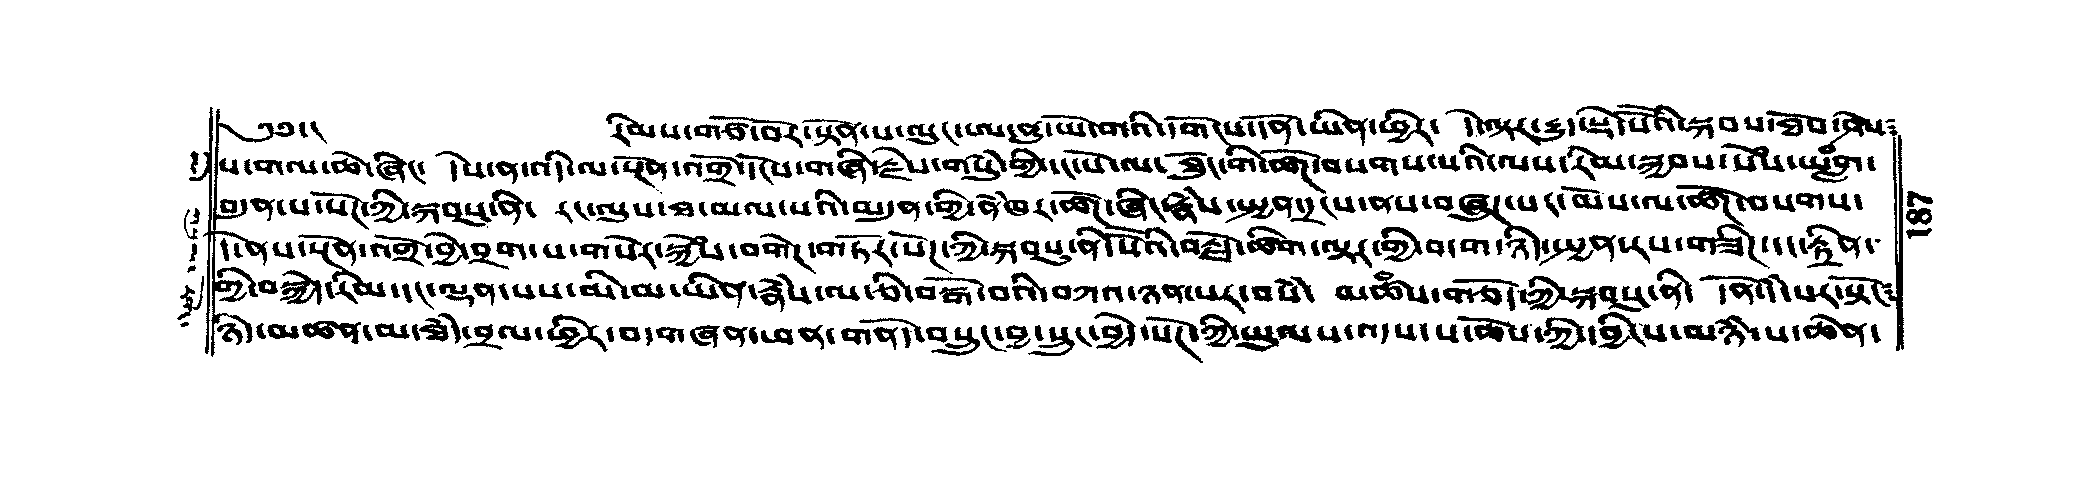རིམས་གཙོ་བོར་སྟོན་པ་ལུང་ཨ་ནུ་ཡོ་གའི་དགོངས་དོན་ཡིན་ཕྱིར། དེ་ལྟར་རྒྱུད་སྡེ་སོ་སོའི་སྐབས་ཐོབ་ཤེས་
པ་གལ་ཆེ་ཞིང་། དེས་ན་འདི་ལ་སྔོན་འགྲོ་དངོས་གཞི་རྗེས་གསུམ་གྱི་དང་པོ་ལ། ཐུན་མོང་གི་ཚོགས་བསགས་པའི་ལས་རིམ་སྐྱབས་སེམས་ཡན་ལག་
བདུན་པ་སོགས་ཀྱི་སྐབས་སུ་ནི། རང་ལུས་ཐ་མལ་པའི་བདུན་གྱི་ནམ་མཁར་ཚོགས་ཞིང་རྣམས་སྤྱན་དྲངས་ནས་བཞུགས་པར་མོས་ལ་ཚོགས་བསགས་
དེ་ནས་སྔོན་འགྲོ་བྱེ་བྲག་པ་གསེར་སྐྱེམས་བགེགས་གཏོར་སོགས་ཀྱི་སྐབས་སུ་ནི་སོ་སོའི་བརྗོད་ཚིག་ལྟར་གྱི་བདག་ཉིད་སྤྱན་རས་གཟིགས་དང་རྟ་མགྲིན་
གྱི་བསྐྱེད་རིམ་དང་ལྡན་པས་མི་མ་ཡིན་རྣམས་ལ་ཅི་བསྒོ་བའི་བཀའ་ཉན་པར་བསམ། མཚམས་གཅོད་ཀྱི་སྐབས་སུ་ནི། དོན་དམ་པར་སྟོང་
ཉིད་མཚན་མ་ཐམས་ཅད་བྲལ་ཕྱིར་བདག་གཞན་ཕན་གནོད་བསྲུང་བྱ་སྲུང་བྱེད་སོགས་ཀྱི་ཡུལ་ལས་འདས་པ་ཆོས་ཀྱི་དབྱིངས་མཉམ་པར་ཆེན་